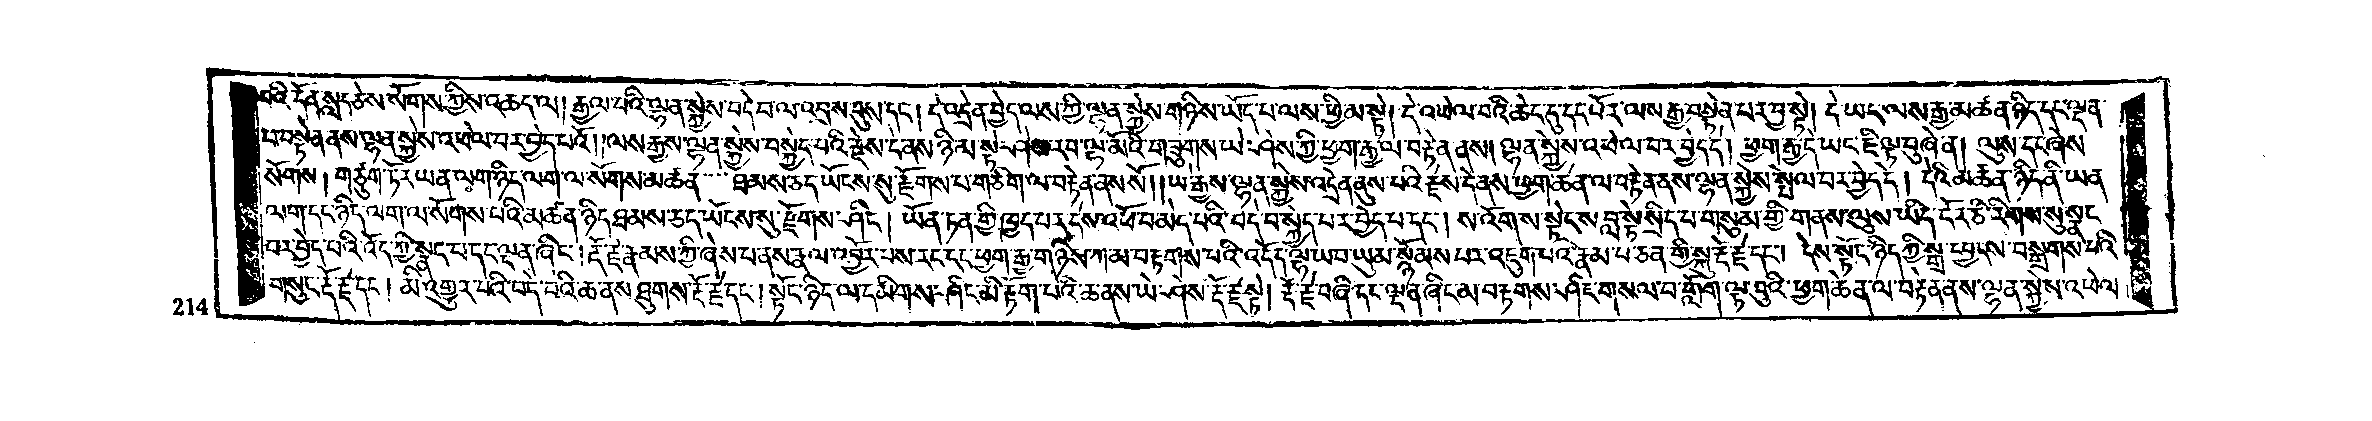བའི་དོན་སླད་ཅེས་སོགས་ཀྱིས་འཆད་ལ། རྒྱལ་བའི་ལྷན་སྐྱེས་བདེ་བ་ལ་འབྲས་བུས་དང་། དེ་འདྲེན་བྱེད་ལས་ཀྱི་ལྷན་སྐྱེས་གཉིས་ཡོད་པ་ལས་ཕྱི་མ་སྟེ། དེ་འཕེལ་བའི་ཆེད་དུ་དང་པོར་ལས་རྒྱ་བསྟེན་པར་བྱ་སྟེ། དེ་ཡང་ལས་རྒྱ་མཚན་ཉིད་དང་ལྡན་
པ་བསྟེན་ནས་ལྷན་སྐྱེས་འཕེལ་བར་བྱེད་པའོ། །ལས་རྒྱས་ལྷན་སྐྱེས་བསྐྱེད་པའི་རྗེས་དེ་ནས་ཉི་མ་སྟེ་ཤེས་རབ་ལྷ་མོའི་གཟུགས་ཡེ་ཤེས་ཀྱི་ཕྱག་རྒྱལ་བརྟེན་ནས། ལྷན་སྐྱེས་འཕེལ་བར་བྱེད་དེ། ཕྱག་རྒྱ་དེ་ཡང་ཇི་ལྟ་བུ་ཞེ་ན། ལུས་དང་ཞེས་
སོགས། གཙུག་ཏོར་ཡན་ལག་ཉིད་ལག་ལ་སོགས་མཚན་ཐམས་ཅད་ཡོངས་སུ་རྫོགས་པ་གཅིག་ལ་བརྟེན་ནས་སོ། །ཡ་རྒྱས་ལྷན་སྐྱེས་འདྲེན་ནུས་པའི་རྗེས་དེ་ནས་ཕྱག་ཆེན་ལ་བརྟེན་ནས་ལྷན་སྐྱེས་སྤེལ་བར་བྱེད་དེ། དེའི་མཚན་ཉིད་ནི་ཡན་
ལག་དང་ཉིད་ལག་ལ་སོགས་པའི་མཚན་ཉིད་ཐམས་ཅད་ཡོངས་སུ་རྫོགས་ཤིང་། ཡོན་ཏན་གྱི་ཁྱད་པར་དེས་འཕོ་བ་མེད་པའི་བདེ་བ་སྐྱེད་པར་བྱེད་པ་དང་། ས་འོག་ས་སྟེང་ས་བླ་སྟེ་སྲིད་པ་གསུམ་གྱི་གནས་ལུས་ཡིད་དོར་ཅི་རིགས་སུ་སྣང་
བར་བྱེད་པའི་འོད་ཀྱི་སྣང་བ་དང་ལྡན་ཞིང་། རྡོ་རྗེ་རྣམས་ཀྱི་ཞེས་པ་ནས་རྣལ་འབྱོར་པས་རང་དང་ཕྱག་རྒྱ་གཉིས་ཀ་མ་བརྟགས་པའི་འདོད་ལྷ་ཡབ་ཡུམ་སྙོམས་པར་འཇུག་པའི་རྣམ་པ་ཅན་གྱི་སྐུ་རྡོ་རྗེ་དང་། དེས་སྟོང་ཉིད་ཀྱི་སྒྲ་དབྱངས་བསྒྲགས་པའི་
གསུང་རྡོ་རྗེ་དང་། མི་འགྱུར་བའི་བདེ་བའི་ཆ་ནས་ཐུགས་རྡོ་རྗེ་དང་། སྟོང་ཉིད་ལ་དམིགས་ཤིང་མི་རྟོག་པའི་ཆ་ནས་ཡེ་ཤེས་རྡོ་རྗེ་སྟེ། རྡོ་རྗེ་བཞི་དང་ལྡན་ཞིང་མ་བརྟགས་ཤིང་གསལ་བ་གློག་ལྟ་བུའི་ཕྱག་ཆེན་ལ་བརྟེན་ནས་ལྷན་སྐྱེས་འཕེལ་